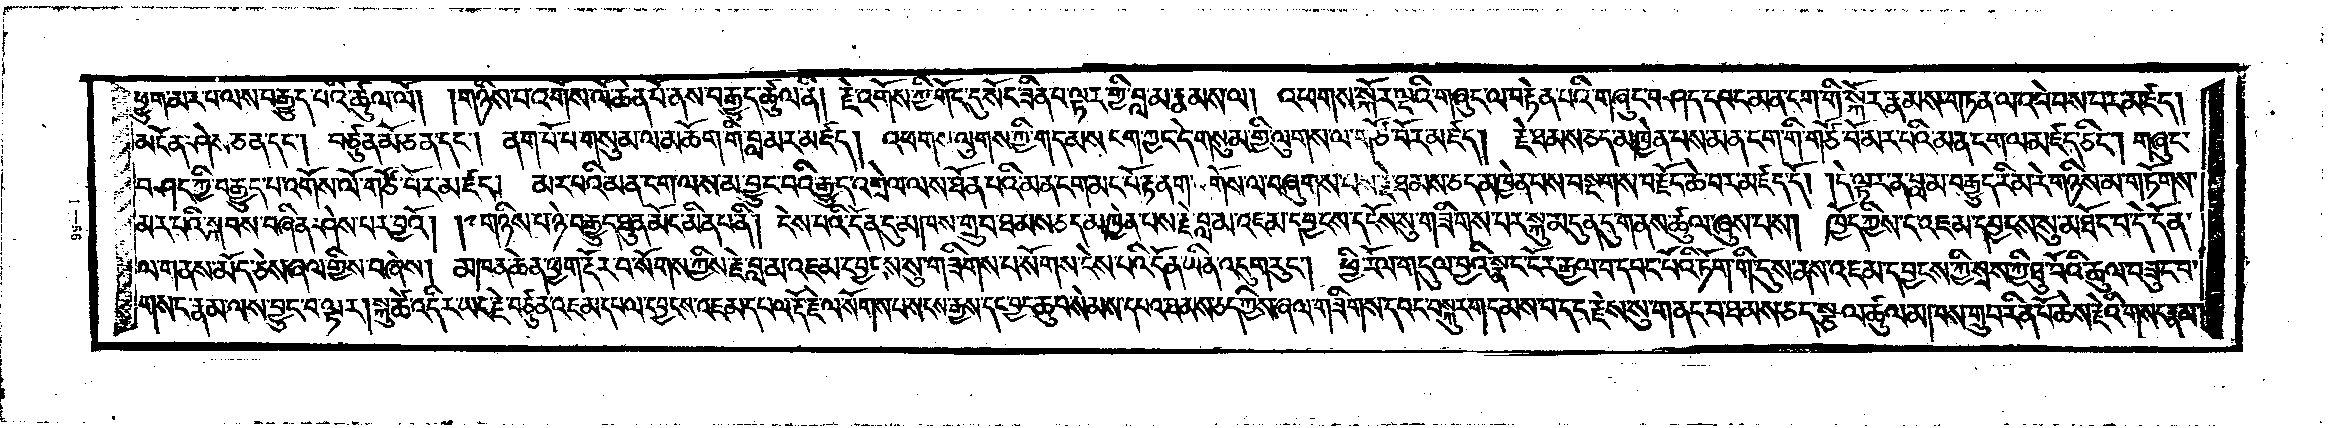ཕྱུག་མར་པ་ལས་བརྒྱུད་པའི་ཚུལ་ལོ། །གཉིས་པ་འགོས་ལོ་ཆེན་པོ་ནས་བརྒྱུད་ཚུལ་ནི། རྗེ་འགོས་ཀྱི་གོང་དུ་སོང་ཟིན་བ་ལྟར་གྱི་བླ་མ་རྣམས་ལ། འཕགས་སྐོར་ལྔའི་གཞུང་ལ་བརྟེན་པའི་གཞུང་བཤད་དབང་མན་ངག་གི་སྐོར་རྣམས་གཏན་ལ་འབེབས་པར་མཛད།
མགོན་ཤེས་ཅན་དང་། བཙུན་མོ་ཅན་དང་། ནག་པོ་པ་གསུམ་ལ་མཆོག་གི་བླ་མར་མཛད། འཕགས་ལུགས་ཀྱི་གདམས་ངག་ཀྱང་དེ་གསུམ་གྱི་ལུགས་ལ་གཙོ་བོར་མཛད། རྗེ་ཐམས་ཅད་མཁྱེན་པས་མན་ངག་གི་གཙོ་བོ་མར་པའི་མན་ངག་ལ་མཛད་ཅིང་། གཞུང་
བཤད་ཀྱི་བརྒྱུད་པ་འགོས་ལོ་གཙོ་བོར་མཛད། མར་པའི་མན་ངག་ལས་མ་བྱུང་བའི་རྒྱུད་འགྲེལ་ལས་ཐོན་པའི་མན་ངག་མང་པོ་རྟ་ནག་པོ་ནག་འགོས་ལ་བཞུགས་པས་རྗེ་ཐམས་ཅད་མཁྱེན་པས་བསྔགས་བརྗོད་ཆེ་བར་མཛད་དོ། །དེ་ལྟར་ན་བླ་མ་བརྒྱུད་རིམ་རེ་གཉིས་མ་གཏོགས་
མར་པའི་སྐབས་བཞིན་ཤེས་པར་བྱའོ། །༧གཉིས་པ་ཉེ་བརྒྱུད་ཐུན་མོང་མིན་པ་ནི། ངེས་པའི་དོན་དུ་མཁས་གྲུབ་ཐམས་ཅད་མཁྱེན་པས་རྗེ་བླ་མ་འཇམ་དབྱངས་དངོས་སུ་གཟིགས་པར་སྐུ་མདུན་དུ་གནས་ཚུལ་ཞུས་པས། ཁྱོད་ཀྱིས་ང་འཇམ་དབྱངས་སུ་མཐོང་བ་དེ་དོན་
ལ་གནས་མོད་ཅེས་ཞལ་གྱིས་བཞེས། མཁན་ཆེན་ཕྱག་རྡོར་བ་སོགས་ཀྱིས་རྗེ་བླ་མ་འཇམ་དབྱངས་སུ་གཟིགས་པ་སོགས་ངེས་པའི་དོན་ཡིན་འདུག་རུང་། ཕྱི་རོལ་གདུལ་བྱའི་སྣང་ངོར་རྒྱལ་བ་དབང་པོའི་ཏོག་གི་དུས་ནས་འཇམ་དབྱངས་ཀྱི་སྲས་ཀྱི་ཐུ་བོའི་ཆུལ་བཟུང་བ་
གསང་རྣམ་ལས་བྱུང་བ་ལྟར། སྐུ་ཚེ་འདིར་ཡང་རྗེ་བཙུན་འཇམ་དཔལ་དབྱངས་འཇམ་དཔལ་རྡོ་རྗེ་ལ་སོགས་པ་སངས་རྒྱས་དང་བྱང་ཆུབ་སེམས་དཔའ་ཐམས་ཅད་ཀྱིས་ཞལ་གཟིགས་དབང་བསྐུར་གདམས་པ་དང་རྗེས་སུ་གནང་བ་ཐམས་ཅད་སྩལ་ཚུལ་མཁས་གྲུབ་རིན་པོ་ཆེས་རྗེའི་གསང་རྣམ་